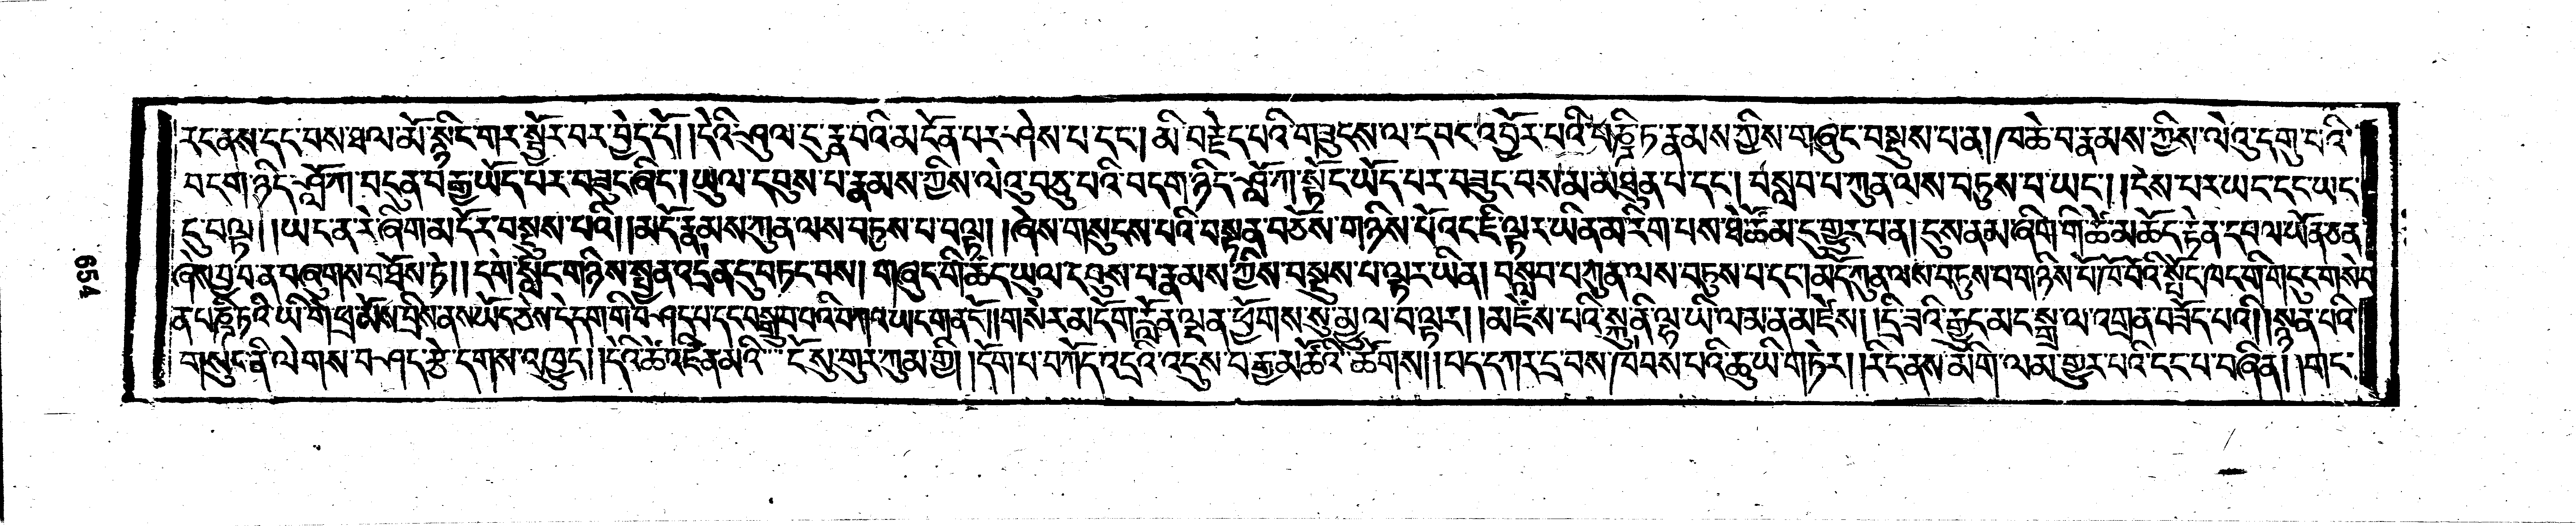རང་ནས་དང་བས་ཐལ་མོ་སྙིང་གར་སྦྱོར་བར་བྱེད་དོ། །དེའི་ཤུལ་དུ་རྣ་བའི་མངོན་པར་ཤེས་པ་དང་། མི་བརྗེད་པའི་གཟུངས་ལ་དབང་འབྱོར་པའི་པཎྜི་ཏ་རྣམས་ཀྱིས་གཞུང་བསྡུས་པ་ན། ཁ་ཆེ་བ་རྣམས་ཀྱིས་ལེའུ་དགུ་པའི་
བདག་ཉིད་ཤློ་ཀ་བདུན་བརྒྱ་ཡོད་པར་བཟུང་ཞིང་། ཡུལ་དབུས་པ་རྣམས་ཀྱིས་ལེའུ་བཅུ་པའི་བདག་ཉིད་ཤློ་ཀ་སྟོང་ཡོད་པར་བཟུང་བས་མ་མཐུན་པ་དང་། བསླབ་པ་ཀུན་ལས་བཏུས་པ་ཡང་། །ངེས་པར་ཡང་དང་ཡང་
དུ་བལྟ། །ཡང་ན་རེ་ཞིག་མདོར་བསྡུས་པའི། །མདོ་རྣམས་ཀུན་ལས་བཏུས་པ་བལྟ། །ཞེས་གསུངས་པའི་བསྟན་བཅོས་གཉིས་པོའང་ཇི་ལྟར་ཡིན་མ་རིག་པས་ཐེ་ཚོམ་དུ་གྱུར་པ་ན། དུས་ནམ་ཞིག་གི་ཚེ་མཆོད་རྟེན་དཔལ་ཡོན་ཅན་
ཞེས་བྱ་བ་ན་བཞུགས་པ་ཐོས་ཏེ། །དགེ་སློང་གཉིས་སྤྱན་འདྲེན་དུ་བཏང་བས། གཞུང་གི་ཚད་ཡུལ་དབུས་པ་རྣམས་ཀྱིས་བསྡུས་པ་ལྟར་ཡིན། བསླབ་པ་ཀུན་ལས་བཏུས་པ་དང་། མདོ་ཀུན་ལས་བཏུས་པ་གཉིས་པོ་ཁོ་བོའི་སྤོང་ཁང་གི་གདུང་གསེབ་
ན་པཎྜི་ཏ་འི་ཡི་གེ་ཕྲ་མོས་བྲིས་ནས་ཡོད་ཅེས་དེ་དག་གི་བཤད་པ་དང་བསྒྲུབ་པའི་བཀའ་ཡང་གནང་ངོ། །གསེར་མདོག་རློན་ལྡན་ཕྱོགས་སུ་མྱུལ་བ་ལྟར། །མཛེས་པའི་སྐུ་ནི་ལྷ་ཡི་ལམ་ན་མཛེས། །དྲི་ཟའི་རྒྱུད་མང་སྒྲ་ལ་འགྲན་བཟོད་པའི། །སྙན་པའི་
གསུང་ནི་ལེགས་བཤད་རྩེ་དགས་འཁྱུད། །དེའི་ཚེ་འཛིན་མའི་ངོས་སུ་གུར་ཀུམ་གྱི། །དོག་པ་བཀོད་འདྲའི་འདུས་པ་རྒྱ་མཚོའི་ཚོགས། །པད་དཀར་དྲ་བས་ཁེབས་པའི་ཆུ་ཡི་གཏེར། །རིང་ནས་མིག་ལམ་གྱུར་པའི་ངང་པ་བཞིན། །གང་